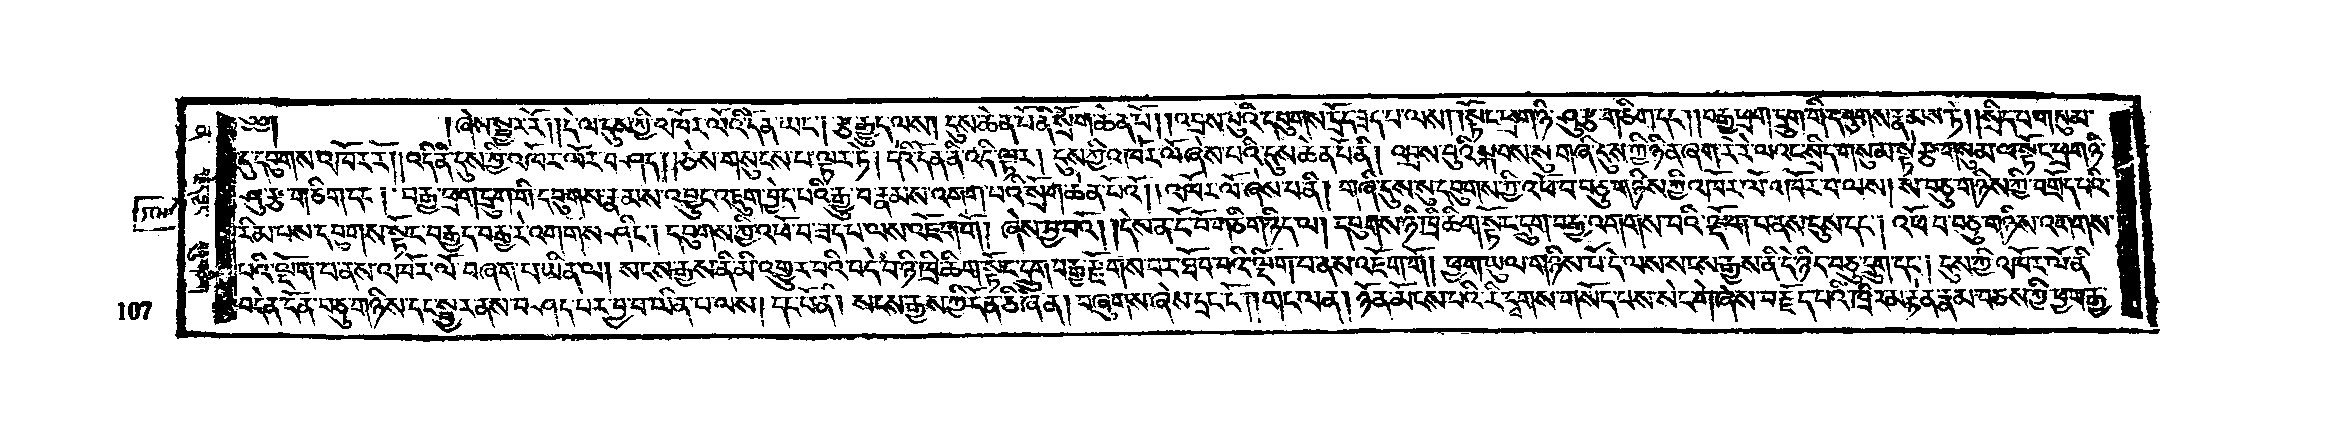༄༅། །ཞེས་སྦྱར་རོ། །དེ་ལ་དུས་ཀྱི་འཁོར་ལོའི་དོན་ཡང་། རྩ་རྒྱུད་ལས། དུས་ཆེན་པོ་ནི་སྲོག་ཆེན་པོ། །འབྲས་བུའི་དབུགས་དྲོད་ཟད་པ་ལས། །སྟོང་ཕྲག་ཉི་ཤུ་རྩ་གཅིག་དང་། །བརྒྱ་ཕྲག་དྲུག་གི་དབུགས་རྣམས་ཏེ། །སྲིད་པ་གསུམ་
དུ་དབུགས་འཁོར་རོ། །འདི་ནི་དུས་ཀྱི་འཁོར་ལོར་བཤད། །ཅེས་གསུངས་པ་ལྟར་ཏེ། དེའི་དོན་ནི་འདི་ལྟར། དུས་ཀྱི་འཁོར་ལོ་ཞེས་པའི་དུས་ཆེན་པོ་ནི། འབྲས་བུའི་སྐབས་སུ་གཞི་དུས་ཀྱི་ཉིན་ཞག་རེ་རེ་ལའང་སྲིད་གསུམ་སྟེ་རྩ་གསུམ་ལ་སྟོང་ཕྲག་ཉི་
ཤུ་རྩ་གཅིག་དང་། །བརྒྱ་ཕྲག་དྲུག་གི་དབུགས་རྣམས་འབྱུང་འཇུག་བྱེད་པའི་རྒྱུ་བ་རྣམས་འགག་པའི་སྲོག་ཆེན་པོའོ། །འཁོར་ལོ་ཞེས་པ་ནི། གཞི་དུས་སུ་དབུགས་ཀྱི་འཕོ་བ་བཅུ་གཉིས་ཀྱི་འཁོར་ལོ་འཁོར་བ་ལས། ས་བཅུ་གཉིས་ཀྱི་བགྲོད་པའི་
རིམ་པས་དབུགས་སྟོང་བརྒྱད་བརྒྱ་རེ་འགགས་ཤིང་། དབུགས་ཀྱི་འཕོ་བ་ཟད་པ་ལས་འཇོག་གོ། ཞེས་བྱ་བའོ། །དེས་ན་ངོ་བོ་གཅིག་ཉིད་ལས། དབུགས་ཉི་ཁྲི་ཆིག་སྟོང་དྲུག་བརྒྱ་འགགས་པའི་ལྡོག་པ་ནས་དུས་དང་། འཕོ་བ་བཅུ་གཉིས་འགགས་
པའི་ལྡོག་པ་ནས་འཁོར་ལོ་བཞག་པ་ཡིན་ལ། སངས་རྒྱས་ནི་མི་འགྱུར་བའི་བདེ་བ་ཉི་ཁྲི་ཆིག་སྟོང་དྲུག་བརྒྱ་རྫོགས་པར་ཐོབ་པའི་ལྡོག་པ་ནས་འཇོག་གོ། ཕྱག་ཡུལ་གཉིས་པོ་དེ་ལས་སངས་རྒྱས་ནི་དེ་ཉིད་བཅུ་དྲུག་དང་། དུས་ཀྱི་འཁོར་ལོ་ནི་
བདེན་དོན་བཅུ་གཉིས་དང་སྦྱར་ནས་བཤད་པར་བྱ་བ་ཡིན་པ་ལས། དང་པོ་ནི། སངས་རྒྱས་ཀྱི་དོན་ཅི་ཞེ་ན། བཞུགས་ཞེས་དྲང་ངོ། །གང་ལ་ན། ཉོན་མོངས་པའི་རི་དྭགས་གསོད་པས་སེང་གི་ཞེས་བརྗོད་པའི་ཁྲིའམ་རྟེན་རྣམ་བཅས་ཀྱི་ཕྱག་རྒྱ་